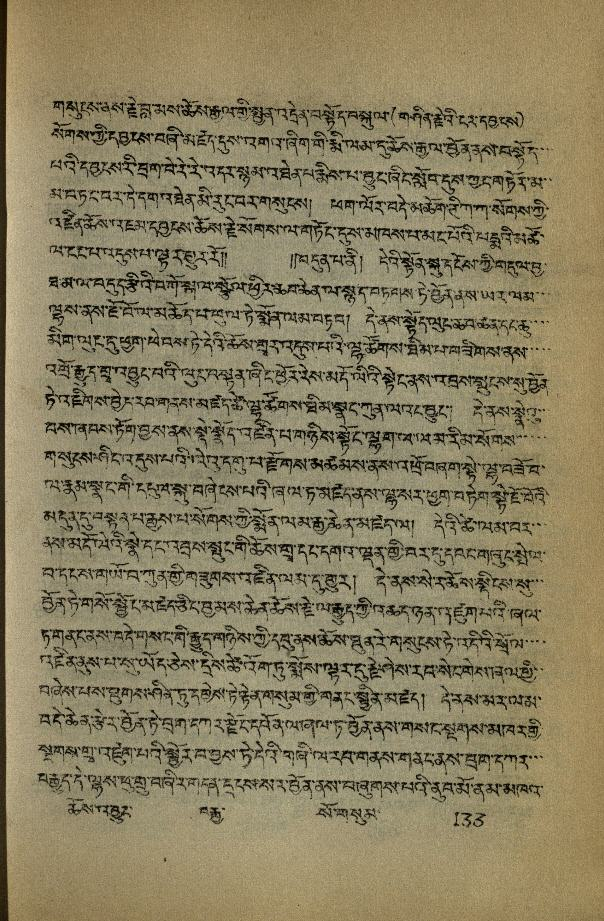གསུངས་ནས་རྗེ་བླ་མས་ཆོས་རྒྱལ་གྱི་སྤྱན་འདྲེན་བསྟོད་བསྐུལ་གཤིན་རྗེའི་ངར་དབྱངས
སོགས་ཀྱི་དབྱངས་བཞི་མཛད་དུས་འགའ་ཞིག་གི་རྨི་ལམ་དུ་ཆོས་རྒྱལ་བྱོན་ནས་བསྟོད་
པའི་དབྱངས་རི་བྲག་བེ་རེ་རེ་འདར་སྙམ་འཐེན་པ་རྨིས་པ་བྱུང་ཞིང་སློབ་དུས་ཀྱང་གཏོར་མ་
མ་བཏང་བར་དེ་དག་འཐེན་མི་རུང་བར་གསུངས། ཕག་ལོར་བདེ་མཆོག་ཊིཀ་ཀ་སོགས་ཀྱི་
འཛིན་ཆོས་འཇམ་དབྱངས་ཆོས་རྗེ་སོགས་ལ་གཏོང་དུས་མཁས་པ་མང་པོའི་པདམའི་མཚོ་
ལ་ངང་པ་འདུས་པ་ལྟར་གྱུར་རོ།། །།བདུན་པ་ནི། དེའི་སྟོན་སྐུ་དངོས་ཀྱི་གདུལ་བྱ་
ཐ་མ་ལ་བདུད་རྩིའི་བཀོ་སྐལ་སྩོལ་ཕྱིར་ཆབ་ཆེན་ལ་སྙད་བཏགས་ཏེ་བྱོན་ནས་ཡར་ལམ་
ལྷས་ནས་ཇོ་བོ་ལ་མཆོད་པ་ཕུལ་ཏེ་སྨོན་ལམ་བཏབ། དེ་ནས་སྟོད་ལུང་ཆབ་ཚན་དང་ཆུ་
མིག་ལུང་དུ་ཕྱག་ཕེབས་ཏེ་དེའི་ཆོས་གྲྭར་འདུས་པའི་ལྷ་ཚོགས་ཐིམ་པ་གཟིགས་ནས་
འགྲོ་རྒྱུད་གྲྭ་འབྱུང་བའི་ལུང་བསྟན་ཞིང་ཕྱོར་རེས་མདོ་ལིའི་སྟེང་ནས་འབྲས་སྤུངས་སུ་བྱོན་
ཏེ་འཇིགས་བྱེད་རབ་གནས་མཛད་ཚེ་ལྷ་ཚོགས་ཐིམ་སྣང་ཀུན་ལའང་བྱུང་། དེ་ནས་སྣེའུ་
བས་ཞབས་ཏོག་བྱས་ནས་སྡེ་སྣོད་འཛིན་པ་གཉིས་སྟོང་ལྷག་ལ་ལ་མ་རིམ་སོགས་
གསུངས་ཤིང་འདུས་པའི་འེའུ་དགུ་པ་རྫོགས་མཚམས་ནས་འཕྲོ་བཞག་སྟེ་ལྷ་བཟོ་བ་
ལ་རྣམ་སྣང་གི་དངུལ་སྐུ་བཞེངས་པའི་ཞལ་ཏ་མཛད་ནས་ལྷ་སར་ཕྱག་བཏེག་སྟེ་ཇོ་བོའི་
མདུན་དུ་བསྟན་པ་རྒྱས་པ་སོགས་ཀྱི་སྨོན་ལམ་རྒྱ་ཆེན་མཛད་ལ། དེའི་ཚེ་ལམ་བར་
ནས་མདོ་ལེའུ་སྣེ་དང་འབྲས་སྤུང་གི་ཆོས་གྲྭ་དང་དགའ་ལྡན་གྱི་བར་དུ་དབང་གཞུང་སྤེལ་
བ་དང་ས་གཡོ་བ་ཀུན་གྱི་གཟུགས་འཛིན་ལམ་དུ་གྱུར། དེ་ནས་སེ་ར་ཆོས་སྡིངས་སུ་
བྱོན་ཏེ་གསོ་སྦྱོང་མཛད་ཅིང་བྱམས་ཆེན་ཆོས་རྗེ་ལ་རྒྱུད་ཀྱི་འཆད་ཉན་འཛུག་པའི་ཞལ་
ཏ་གནང་ནས་བདེ་གསང་གི་རྒྱུད་གཉིས་ཀྱི་དབུ་ནས་ཆོས་ཐུན་རེ་གསུངས་ཏེ་འདིའི་སྲོལ་
འཛིན་ནུས་པ་སུ་ཡོད་ཅེས་དྲིས་ཚེ་འོག་ཏུ་སྨོས་ལྟར་དུ་རྗེ་ཤེས་རབ་སེང་གེས་ཞལ་གྱི་
བཞེས་པས་ཐུགས་ཤིན་ཏུ་དགྱེས་ཏེ་རྟེན་གསུམ་གྱི་གནང་སྦྱིན་མཛད། དེ་ནས་མར་ལམ་
བདེ་ཆེན་རྩེར་བྱོན་ཏེ་བྲག་དཀར་རྫོང་དཔོན་ལ་ཞལ་ཏ་བྱོན་ནས་གསང་སྔགས་མཁར་གྱི་
སྔགས་གྲྭ་འཛུག་པའི་སྦྱོར་བ་བྱས་ཏེ་དེའི་གཞི་ལ་རབ་གནས་གནང་ནས་བྲག་དཀར་
བརྒྱུད་དེ་ལྷ་ས་ཕུ་གྲུ་བཞིར་གདན་དྲངས་སར་བྱོན་ནས་བཞུགས་པའི་ནུབ་མོ་ནམ་མཁའ་